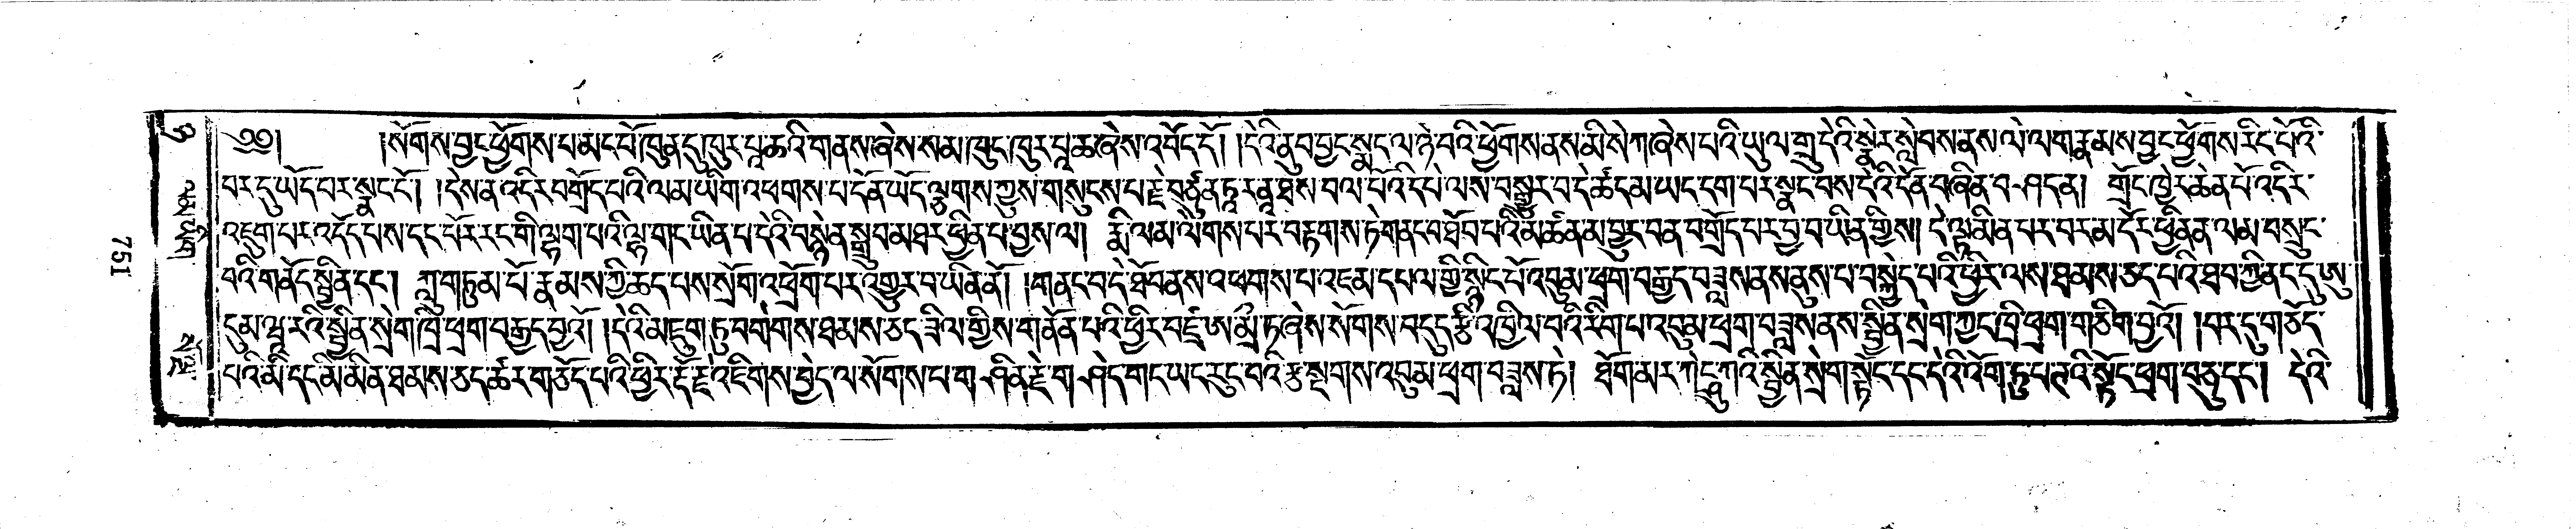༄༅། །སོགས་བྱང་ཕྱོགས་པ་མང་པོ་ཁུན་དུ་ཁུར་པཱ་ཆའི་གནས་ཞེས་སམ་ཁུང་ཁུར་པཱ་ཆ་ཞེས་འབོད་དོ། །དེའི་ནུབ་བྱང་སྨད་ལ་ཉེ་བའི་ཕྱོགས་ནས་མི་སེ་ཀ་ཞེས་པའི་ཡུལ་གྲུ་དེའི་སྣེར་སླེབས་ནས་ལེ་ལག་རྣམས་བྱང་ཕྱོགས་རིང་པོའི་
བར་དུ་ཡོད་པར་སྣང་ངོ། །དེས་ན་འདིར་བགྲོད་པའི་ལམ་ཡིག་འཕགས་པ་དོན་ཡོད་ལྕགས་ཀྱུས་གསུངས་པ་རྗེ་བཙུན་ཏཱ་ར་ནཱ་ཐས་བལ་པོའི་དཔེ་ལས་བསྒྱུར་བ་དེ་ཚད་མ་ཡང་དག་པར་སྣང་བས་དེའི་དོན་བཞིན་བཤད་ན། གྲོང་ཁྱེར་ཆེན་པོ་འདིར་
འཇུག་པར་འདོད་པས་དང་པོར་རང་གི་ལྷག་པའི་ལྷ་གང་ཡིན་པ་དེའི་བསྙེན་སྒྲུབ་མཐར་ཕྱིན་པ་བྱས་ལ། རྨི་ལམ་ལེགས་པར་བརྟགས་ཏེ་གནང་བ་ཐོབ་པའི་མཚན་མ་བྱུང་བ་ན་བགྲོད་པར་བྱ་བ་ཡིན་གྱིས། དེ་ལྟ་མིན་པར་བར་མ་དོར་ཕྱིན་ན་ལམ་བསྲུང་
བའི་གནོད་སྦྱིན་དང་། ཀླུ་གཏུམ་པོ་རྣམས་ཀྱི་ཆད་པས་སྲོག་འཕྲོག་པར་འགྱུར་བ་ཡིན་ནོ། །གནང་བ་དེ་ཐོབ་ནས་འཕགས་པ་འཇམ་དཔལ་གྱི་སྙིང་པོ་འབུམ་འཕྲག་བརྒྱད་བཟླས་ནས་ནུས་པ་བསྐྱེད་པའི་ཕྱིར་ལས་ཐམས་ཅད་པའི་ཐབ་ཀྱི་ནང་དུ་ཨུ་
དུམ་ཝཱ་རའི་སྦྱིན་སྲེག་ཁྲི་ཕྲག་བརྒྱད་བྱའོ། །དེའི་མཇུག་ཏུ་བགེགས་ཐམས་ཅད་ཟིལ་གྱིས་གནོན་པའི་ཕྱིར་བཛྲ་ཨ་མྲྀ་ཏ་ཞེས་སོགས་བདུད་རྩི་འཁྱིལ་བའི་རིག་པ་འབུམ་ཕྲག་བཟླས་ནས་སྦྱིན་སྲེག་ཀྱང་ཁྲི་ཕྲག་གཅིག་བྱའོ། །བར་དུ་གཅོད་
པའི་མི་དང་མི་མིན་ཐམས་ཅད་ཚར་གཅོད་པའི་ཕྱིར་རྡོ་རྗེ་འཇིགས་བྱེད་ལ་སོགས་པ་གཤིན་རྗེ་གཤེད་གང་ཡང་རུང་བའི་རྩ་སྔགས་འབུམ་ཕྲག་བཟླས་ཏེ། ཐོག་མར་ཀེངྴུ་ཀའི་སྦྱིན་སྲེག་སྟོང་དང་དེའི་འོག་ཏུ་པ་ཊའི་སྟོང་ཕྲག་བཅུ་དང་། དེའི་